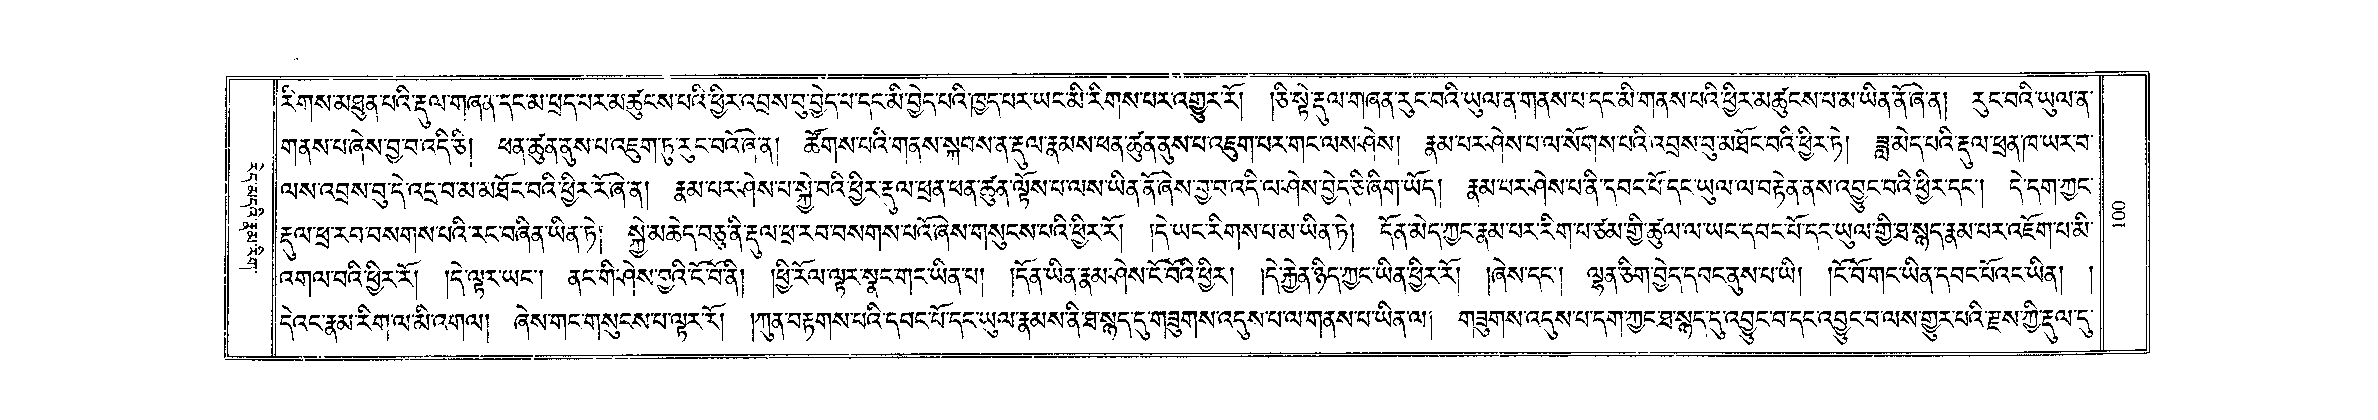རིགས་མཐུན་པའི་རྡུལ་གཞན་དང་མ་ཕྲད་པར་མཚུངས་པའི་ཕྱིར་འབྲས་བུ་བྱེད་པ་དང་མི་བྱེད་པའི་ཁྱད་པར་ཡང་མི་རིགས་པར་འགྱུར་རོ། །ཅི་སྟེ་རྡུལ་གཞན་རུང་བའི་ཡུལ་ན་གནས་པ་དང་མི་གནས་པའི་ཕྱིར་མཚུངས་པ་མ་ཡིན་ནོ་ཞེ་ན། རུང་བའི་ཡུལ་ན་
གནས་པ་ཞེས་བྱ་བ་འདི་ཅི། ཕན་ཚུན་ནུས་པ་འཇུག་ཏུ་རུང་བའོ་ཞེ་ན། ཚོགས་པའི་གནས་སྐབས་ན་རྡུལ་རྣམས་ཕན་ཚུན་ནུས་པ་འཇུག་པར་གང་ལས་ཤེས། རྣམ་པར་ཤེས་པ་ལ་སོགས་པའི་འབྲས་བུ་མཐོང་བའི་ཕྱིར་ཏེ། ཟླ་མེད་པའི་རྡུལ་ཕྲན་ཁ་ཡར་བ་
ལས་འབྲས་བུ་དེ་འདྲ་བ་མ་མཐོང་བའི་ཕྱིར་རོ་ཞེ་ན། རྣམ་པར་ཤེས་པ་སྐྱེ་བའི་ཕྱིར་རྡུལ་ཕྲན་ཕན་ཚུན་ལྟོས་པ་ལས་ཡིན་ནོ་ཞེས་བྱ་བ་འདི་ལ་ཤེས་བྱེད་ཅི་ཞིག་ཡོད། རྣམ་པར་ཤེས་པ་ནི་དབང་པོ་དང་ཡུལ་ལ་བརྟེན་ནས་འབྱུང་བའི་ཕྱིར་དང་། དེ་དག་ཀྱང་
རྡུལ་ཕྲ་རབ་བསགས་པའི་རང་བཞིན་ཡིན་ཏེ། སྐྱེ་མཆེད་བཅུ་ནི་རྡུལ་ཕྲ་རབ་བསགས་པའོ་ཞེས་གསུངས་པའི་ཕྱིར་རོ། །དེ་ཡང་རིགས་པ་མ་ཡིན་ཏེ། དོན་མེད་ཀྱང་རྣམ་པར་རིག་པ་ཙམ་གྱི་ཚུལ་ལ་ཡང་དབང་པོ་དང་ཡུལ་གྱི་ཐ་སྙད་རྣམ་པར་འཇོག་པ་མི་
འགལ་བའི་ཕྱིར་རོ། །དེ་ལྟར་ཡང་། ནང་གི་ཤེས་བྱའི་ངོ་བོ་ནི། །ཕྱི་རོལ་ལྟར་སྣང་གང་ཡིན་པ། དོན་ཡིན་རྣམ་ཤེས་ངོ་བོའི་ཕྱིར། །དེ་རྐྱེན་ཉིད་ཀྱང་ཡིན་ཕྱིར་རོ། །ཞེས་དང་། ལྷན་ཅིག་བྱེད་དབང་ནུས་པ་ཡི། །ངོ་བོ་གང་ཡིན་དབང་པོའང་ཡིན། །
དེའང་རྣམ་རིག་ལ་མི་འགལ། ཞེས་གང་གསུངས་པ་ལྟར་རོ། །ཀུན་བརྟགས་པའི་དབང་པོ་དང་ཡུལ་རྣམས་ནི་ཐ་སྙད་དུ་གཟུགས་འདུས་པ་ལ་གནས་པ་ཡིན་ལ། གཟུགས་འདུས་པ་དག་ཀྱང་ཐ་སྙད་དུ་འབྱུང་བ་དང་འབྱུང་བ་ལས་གྱུར་པའི་རྫས་ཀྱི་རྡུལ་དུ་